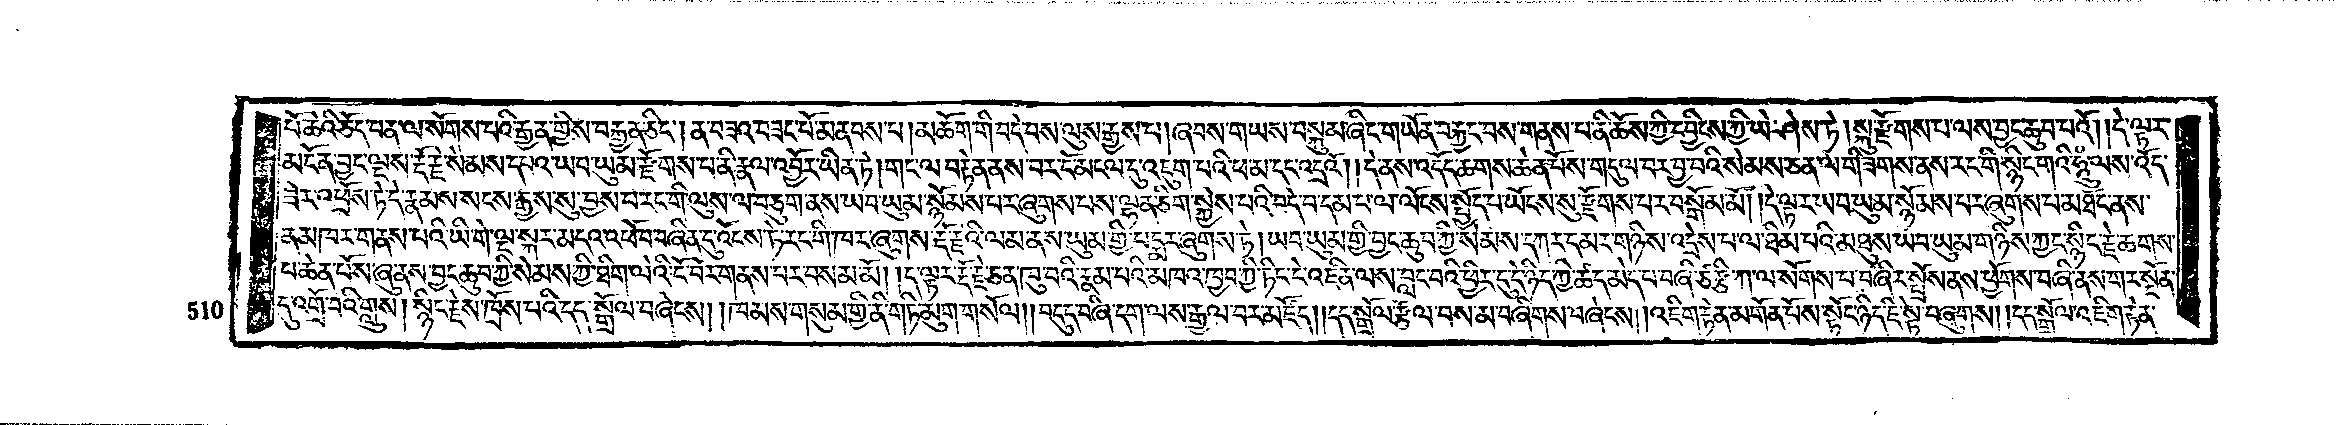པོ་ཆེའི་ཅོད་པན་ལ་སོགས་པའི་རྒྱན་གྱིས་བརྒྱན་གྱིས་བརྒྱན་ཅིང་། ན་བཟའ་བཟང་པོ་མནབས་པ། མཆོག་གི་བདེ་བས་ལུས་རྒྱས་པ། ཞབས་གཡས་བསྐུམ་ཞིང་གཡོན་བརྐྱང་བས་གནས་པ་ནི་ཆོས་ཀྱི་དབྱིངས་ཀྱི་ཡེ་ཤེས་ཏེ། སྐུ་རྫོགས་པ་ལས་བྱང་ཆུབ་པའོ། །དེ་ལྟར་
མངོན་བྱང་ལྔས་རྡོ་རྗེ་སེམས་དཔའ་ཡབ་ཡུམ་རྫོགས་པ་ནི་རྣལ་འབྱོར་ཡིན་ཏེ། གང་ལ་བརྟེན་ནས་བར་དོ་མངལ་དུ་འཇུག་པའི་ཕ་མ་དང་འདྲའོ། །དེ་ནས་འདོད་ཆགས་ཆེན་པོས་གདུལ་བར་བྱ་བའི་སེམས་ཅན་ལ་གཟིགས་ནས་རང་གི་སྙིང་གའི་ཧཱུཾ་ལས་འོད་
ཟེར་འཕྲོས་ཏེ་དེ་རྣམས་སངས་རྒྱས་སུ་བྱས་པ་རང་གི་ལུས་ལ་བཅུག་ནས་ཡབ་ཡུམ་སྙོམས་པར་ཞུགས་པས་ལྷན་ཅིག་སྐྱེས་པའི་བདེ་བ་དམ་པ་ལ་ལོངས་སྤྱོད་པ་ཡོངས་སུ་རྫོགས་པར་བསྒོམ་མོ། །དེ་ལྟར་ཡབ་ཡུམ་སྙོམས་པར་ཞུགས་པ་མཐོང་ནས་
ནམ་མཁར་གནས་པའི་ཡི་གེ་ལྔ་སྐར་མདའ་འཕོ་བ་བཞིན་དུ་འོངས་ཏེ་རང་གི་ཁར་ཞུགས་རྡོ་རྗེའི་ལམ་ནས་ཡུམ་གྱི་པདམར་ཞུགས་ཏེ། ཡབ་ཡུམ་གྱི་བྱང་ཆུབ་ཀྱི་སེམས་དཀར་དམར་གཉིས་འདྲེས་པ་ལ་ཐིམ་པའི་མཐུས་ཡབ་ཡུམ་གཉིས་ཀྱང་སྙིང་རྗེ་ཆགས་
པ་ཆེན་པོས་ཞུ་ནས་བྱང་ཆུབ་ཀྱི་སེམས་ཀྱི་ཐིག་ལེའི་ངོ་བོར་གནས་པར་བསམ་མོ། །དེ་ལྟར་རྡོ་རྗེ་ཅན་ཁུ་བའི་རྣམ་པའི་མཁའ་ཁྱབ་ཀྱི་ཏིང་ངེ་འཛིན་ལས་བླང་བའི་ཕྱིར་དུ་དེ་ཉིད་ཀྱི་ཚད་མེད་པ་བཞི་ཙ་རྩི་ཀ་ལ་སོགས་པ་བཞིར་སཔར?ཨོས་ནས་ཕྱོགས་བཞི་ནས་གར་སྔོན་
དུ་འགྲོ་བའི་གླུས། སྙིང་རྗེས་ཁྲོས་པའི་དད་སྒྲོལ་བཞེངས། །ཁམས་གསུམ་གྱི་ནི་གཏི་མུག་གསོལ། །བདུད་བཞི་དག་ལས་རྒྱལ་བར་མཛོད། །དད་སྒྲོལ་རྩོལ་བས་མ་བཞིགས་བཞེངས། །འཇིག་རྟེན་མགོན་པོས་སྟོང་ཉིད་ཇི་སྟེ་བཞུགས། །དད་སྒྲོལ་འཇིག་རྟེན་